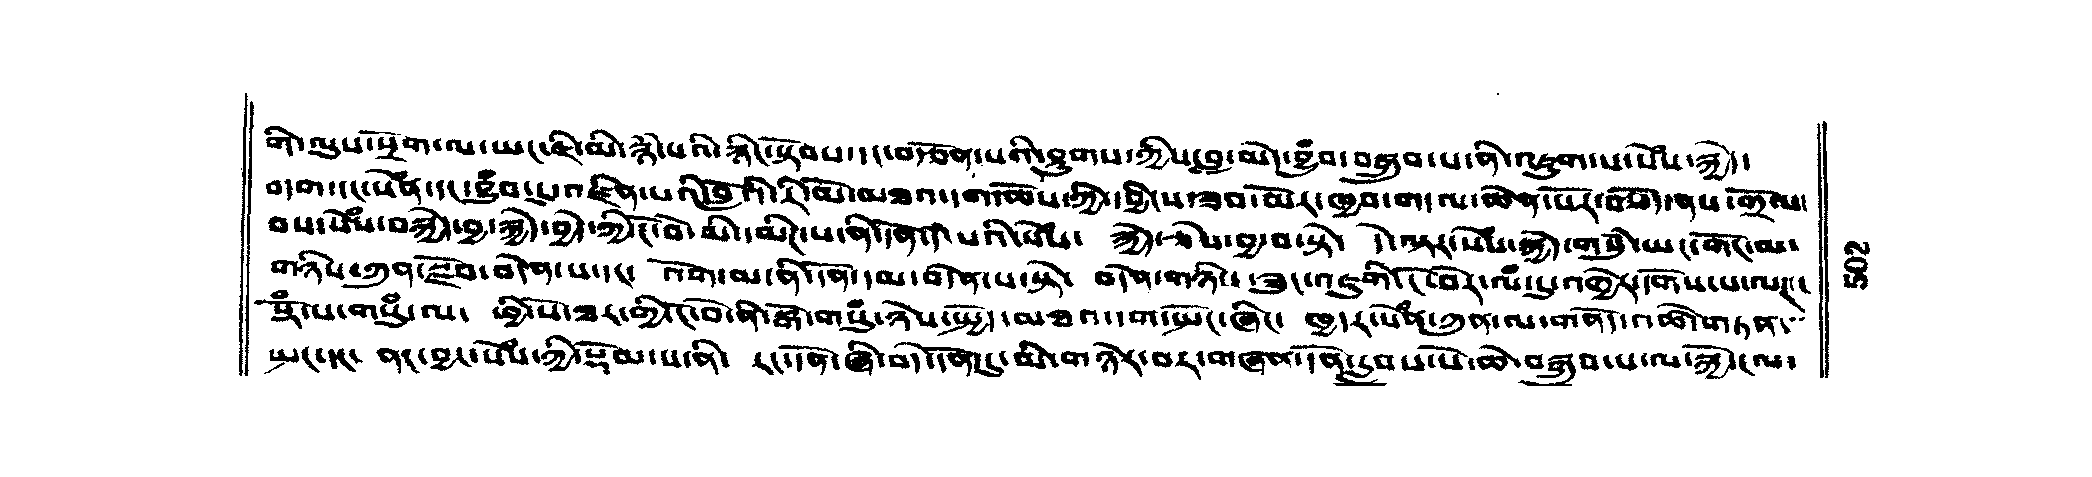གི་ལུས་སྲོག་ལ་ཡང་ཇི་མི་སྙམ་པའི་སྙིང་སྟོབས་དང་བརྩོན་པའི་ཤུགས་ཀྱིས་བླ་མེད་བྱང་ཆུབ་བསྒྲུབ་པ་ནི་འཇུག་པ་སེམས་བསྐྱེད།
བདག་དང་སེམས་ཅན་དང་བྱང་ཆུབ་དུ་འཛིན་པའི་བློའི་རི་མོ་མཐའ་དག་ཆོས་ཀྱི་དབྱིངས་ཟབ་མོར་ཁྱབ་གདལ་ཆེན་པོར་བཅད་ནས་གྲོལ་
བས་སེམས་བསྐྱེད་བྱ་སྐྱེད་བྱེད་ཀྱི་ངོ་བོ་མི་དམིགས་པ་ནི་དོན་དམ་པའི་སེམས་བསྐྱེད་ཅེས་བྱ་བ་སྟེ། དེ་ལྟར་སེམས་བསྐྱེད་གསུམ་ཡང་གོང་མ་
གཉིས་ཀུན་རྫོབ་བདེན་པ་དང་། འོག་མ་ནི་དོན་དམ་བདེན་པ་སྟེ། བདེན་གཉིས་ཟུང་འཇུག་གི་ངོ་བོར་ལམ་དུ་འཁྱེར་དགོས་པ་ལགས། 
སྡོམ་པ་གསུམ་ལ་ཕྱི་སོ་ཐར་གྱི་ངོ་བོ་ནི་སྒོ་གསུམ་ཉེས་སྤྱོད་མཐའ་དག་སྤོང་ཞིང་། ཁྱད་པར་སེམས་ཅན་ཀུན་ལ་གནོད་འཚེ་གཏན་
སྤང་དང་། ནང་བྱང་སེམས་ཀྱི་སྡོམ་པ་ནི། རང་དོན་ཞི་བདེ་དོན་དུ་མི་གཉེར་བར་གཞན་དོན་རླབས་པོ་ཆེ་བསྒྲུབ་པ་ལ་སྐྱོ་ངལ་